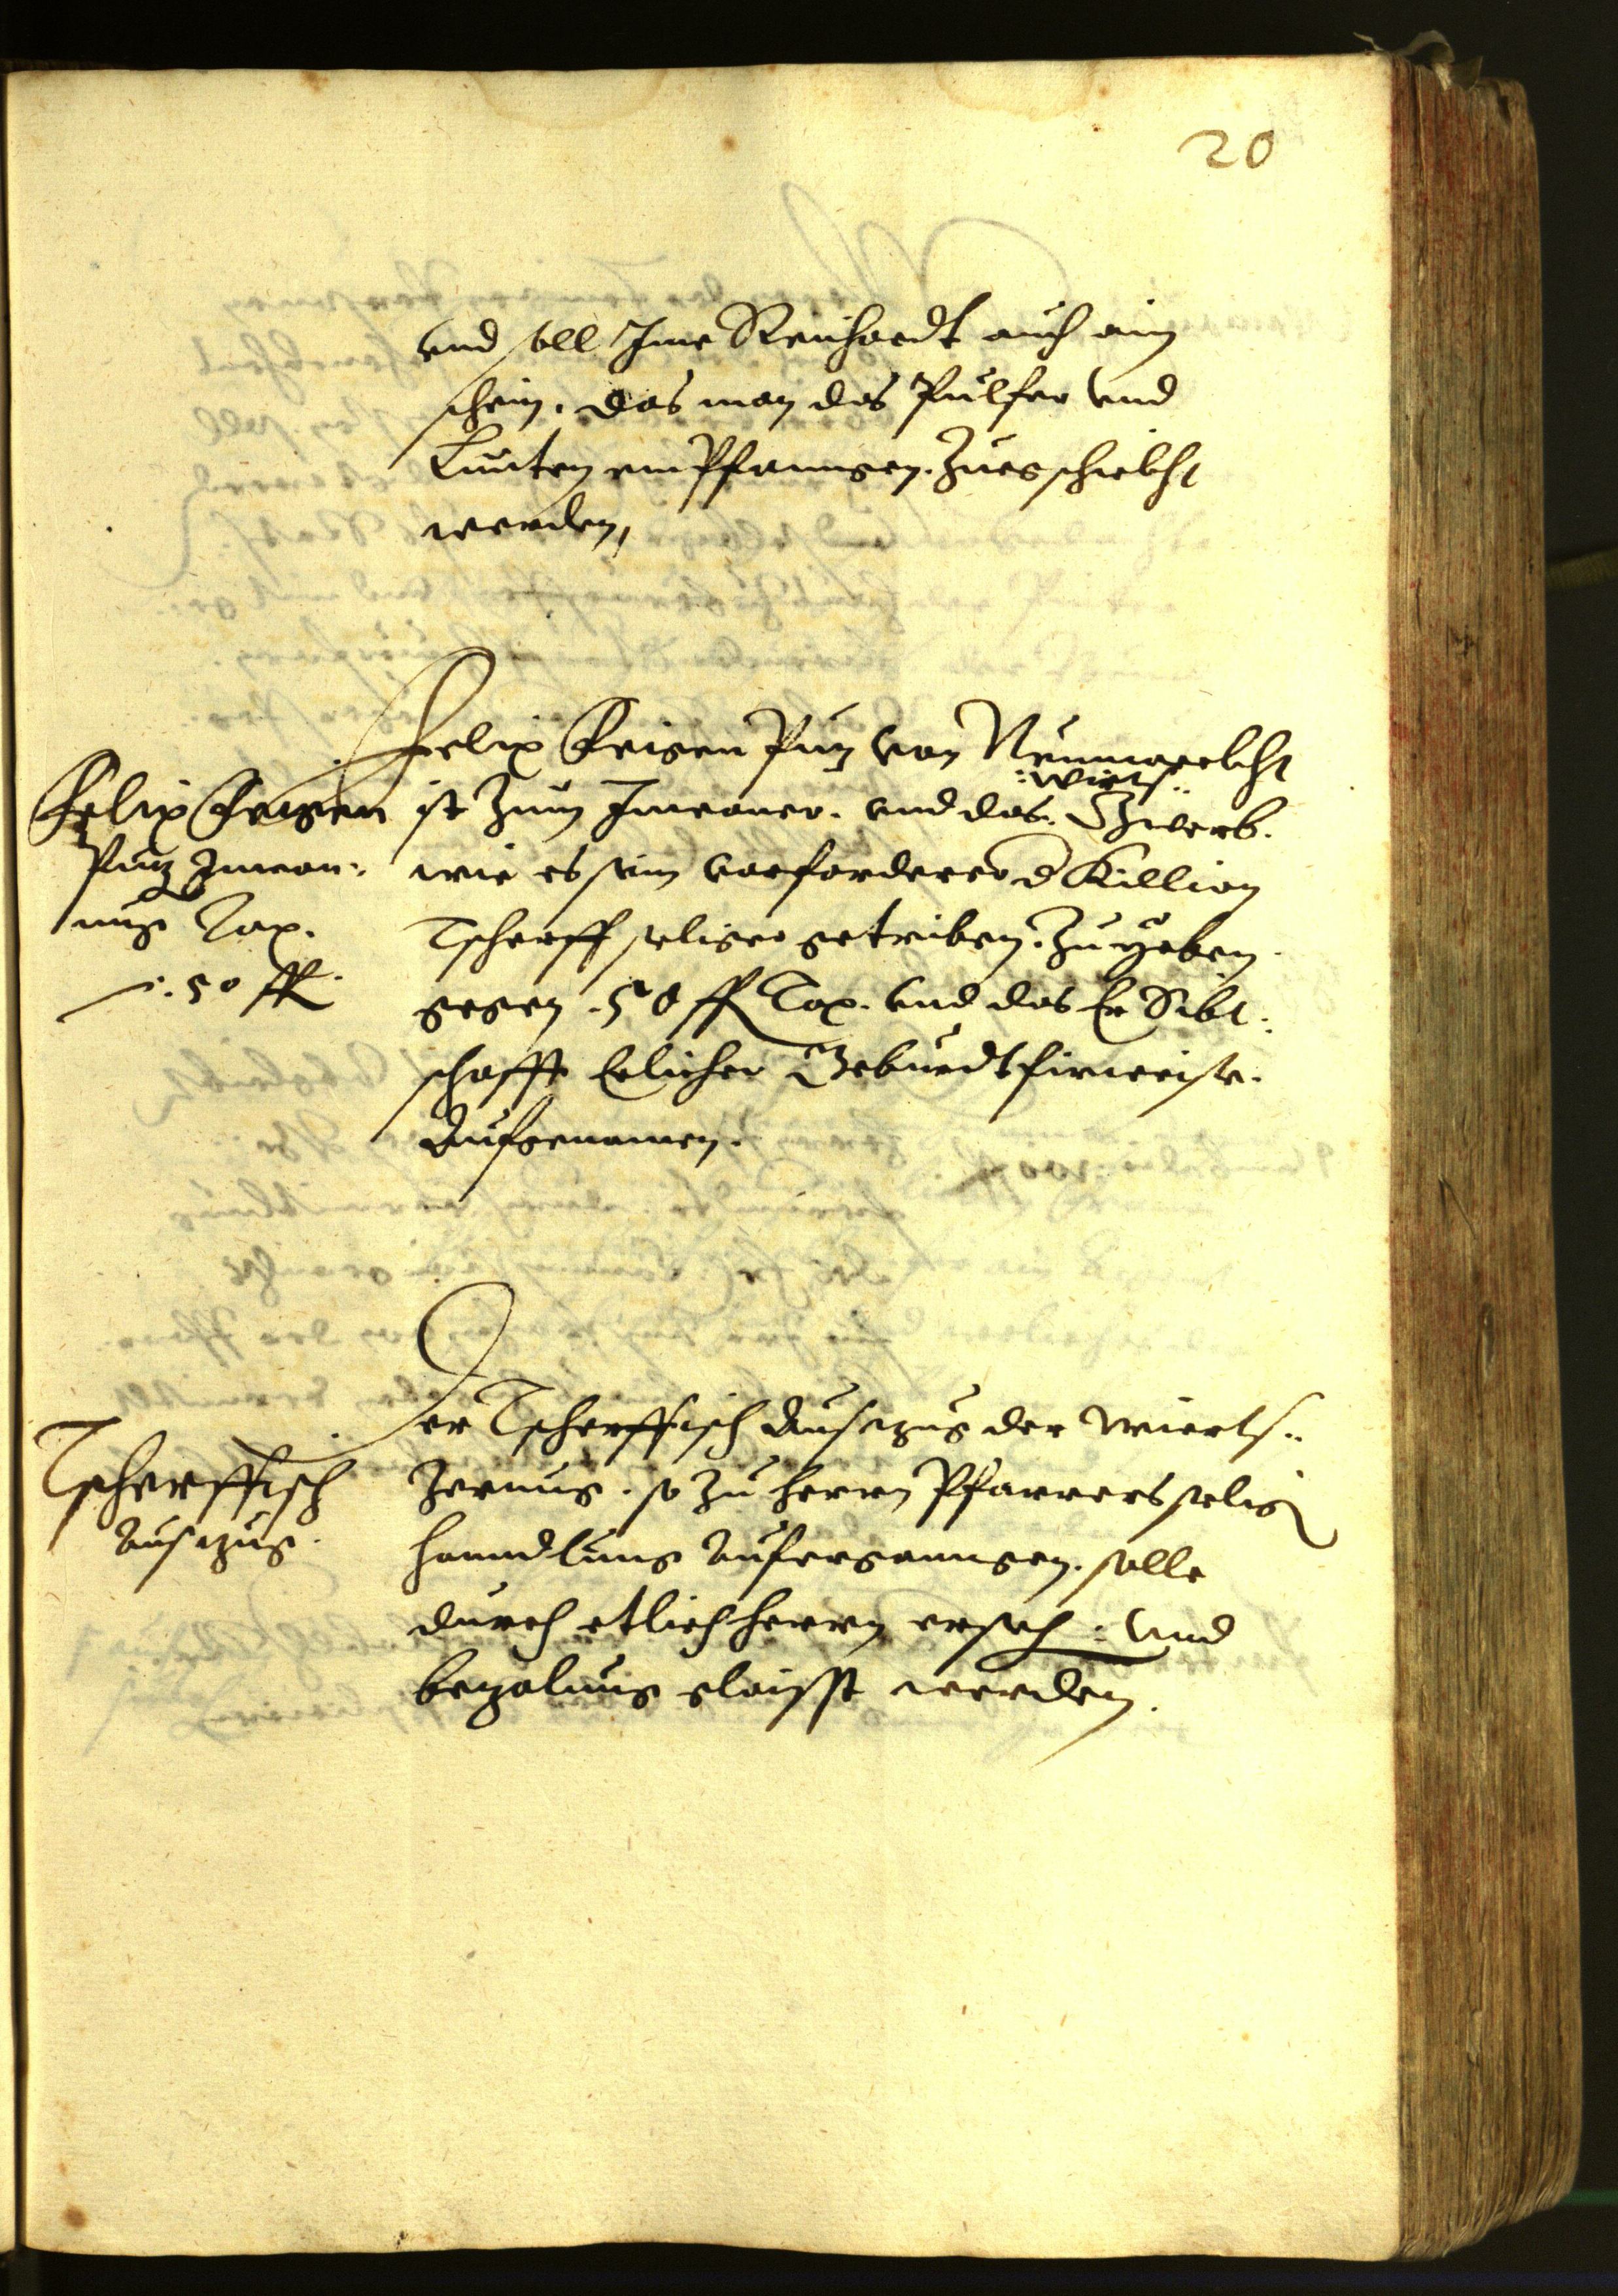20
vnd soll Ime Reichardt aūch ain
schein. das man das Pūlfer vnd
Lūnten emPfanngen. Zūegschickht
werden,
Felix Feigen Pūz von Neūmarckht
:Wirts:
ist Zūm Inwoner. und das: Gwerb.
wie es sein vorforderer d Killian
Tscherff seliger getriben. Zū ȳeben
gegen. 50 fl Tax. vnd das Er Sibt¬
schafft Eelicher Gebūrdt firweise.
Aūfgenomen.
Felix Feigen
Pūz Inwon¬
ūng Tax.
—: 50 fl.
Der Tscherffisch Aūszūg der Wierts¬
Zerūng. so Zū herrn Pfarrers selig
hanndlūng Aūferganngen. solle
dūrch etlich herrn ersch: vnd
bezalūng glaisst werden.
Tscherffisch
Aūszūg.